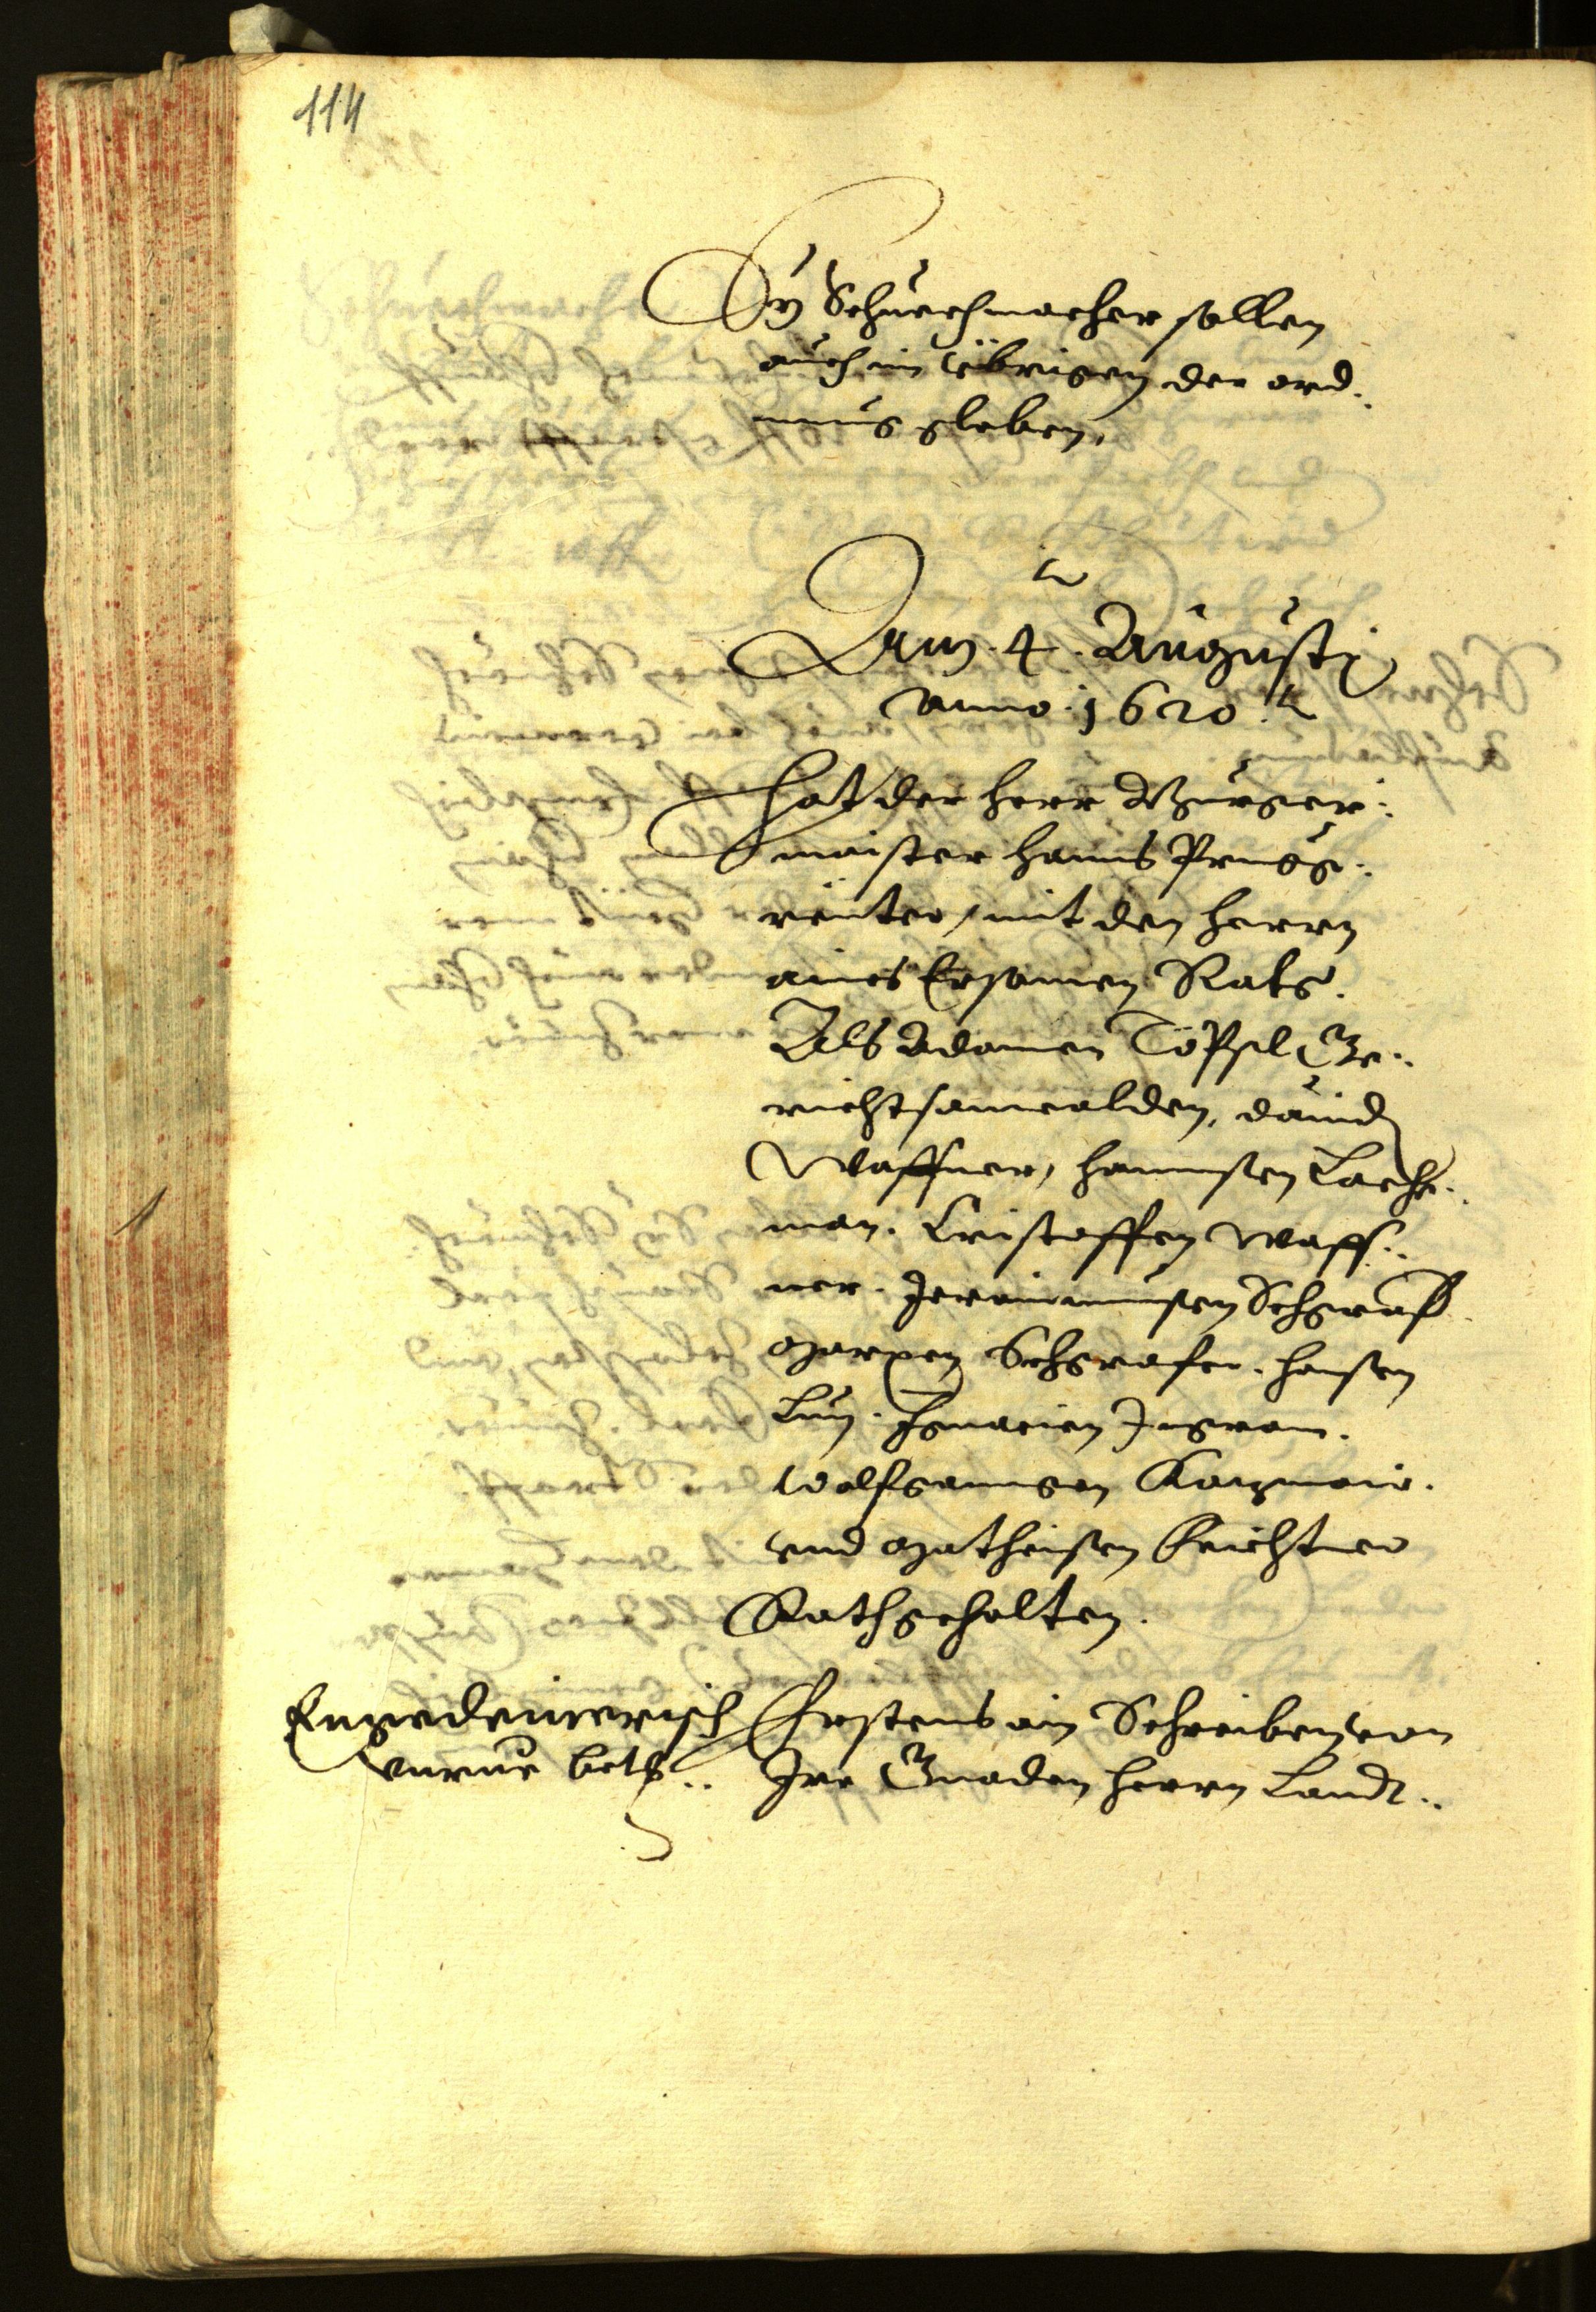114
Sȳ Schūechmacher sollen
aūch im v̈brigen der ord¬
nūng gleben.
t
Am .4. Aūgūstj
Anno .1620.t
hat der herr Būrger¬
maister Hanns Prūgg¬
reüter mit den herrn
aines Ersamen Rats.
Als Adamen TöPsl Ge¬
richtsanwalden, Daūiden
Waffner, hannsen Loche¬
man. Cristoffen Waff¬
ner. Jeronimūsen Schgraf.
Marxen Schgrafer. hansen
Lūn. Ignacien Ingram.
Wolfganngen Kazmair.
vnd Matheisen Feichtner
Rath gehalten.
Engedeinerisch
vnrūe bet:
Erstens ain Schreiben von
Ire Gnaden herrn Landt¬